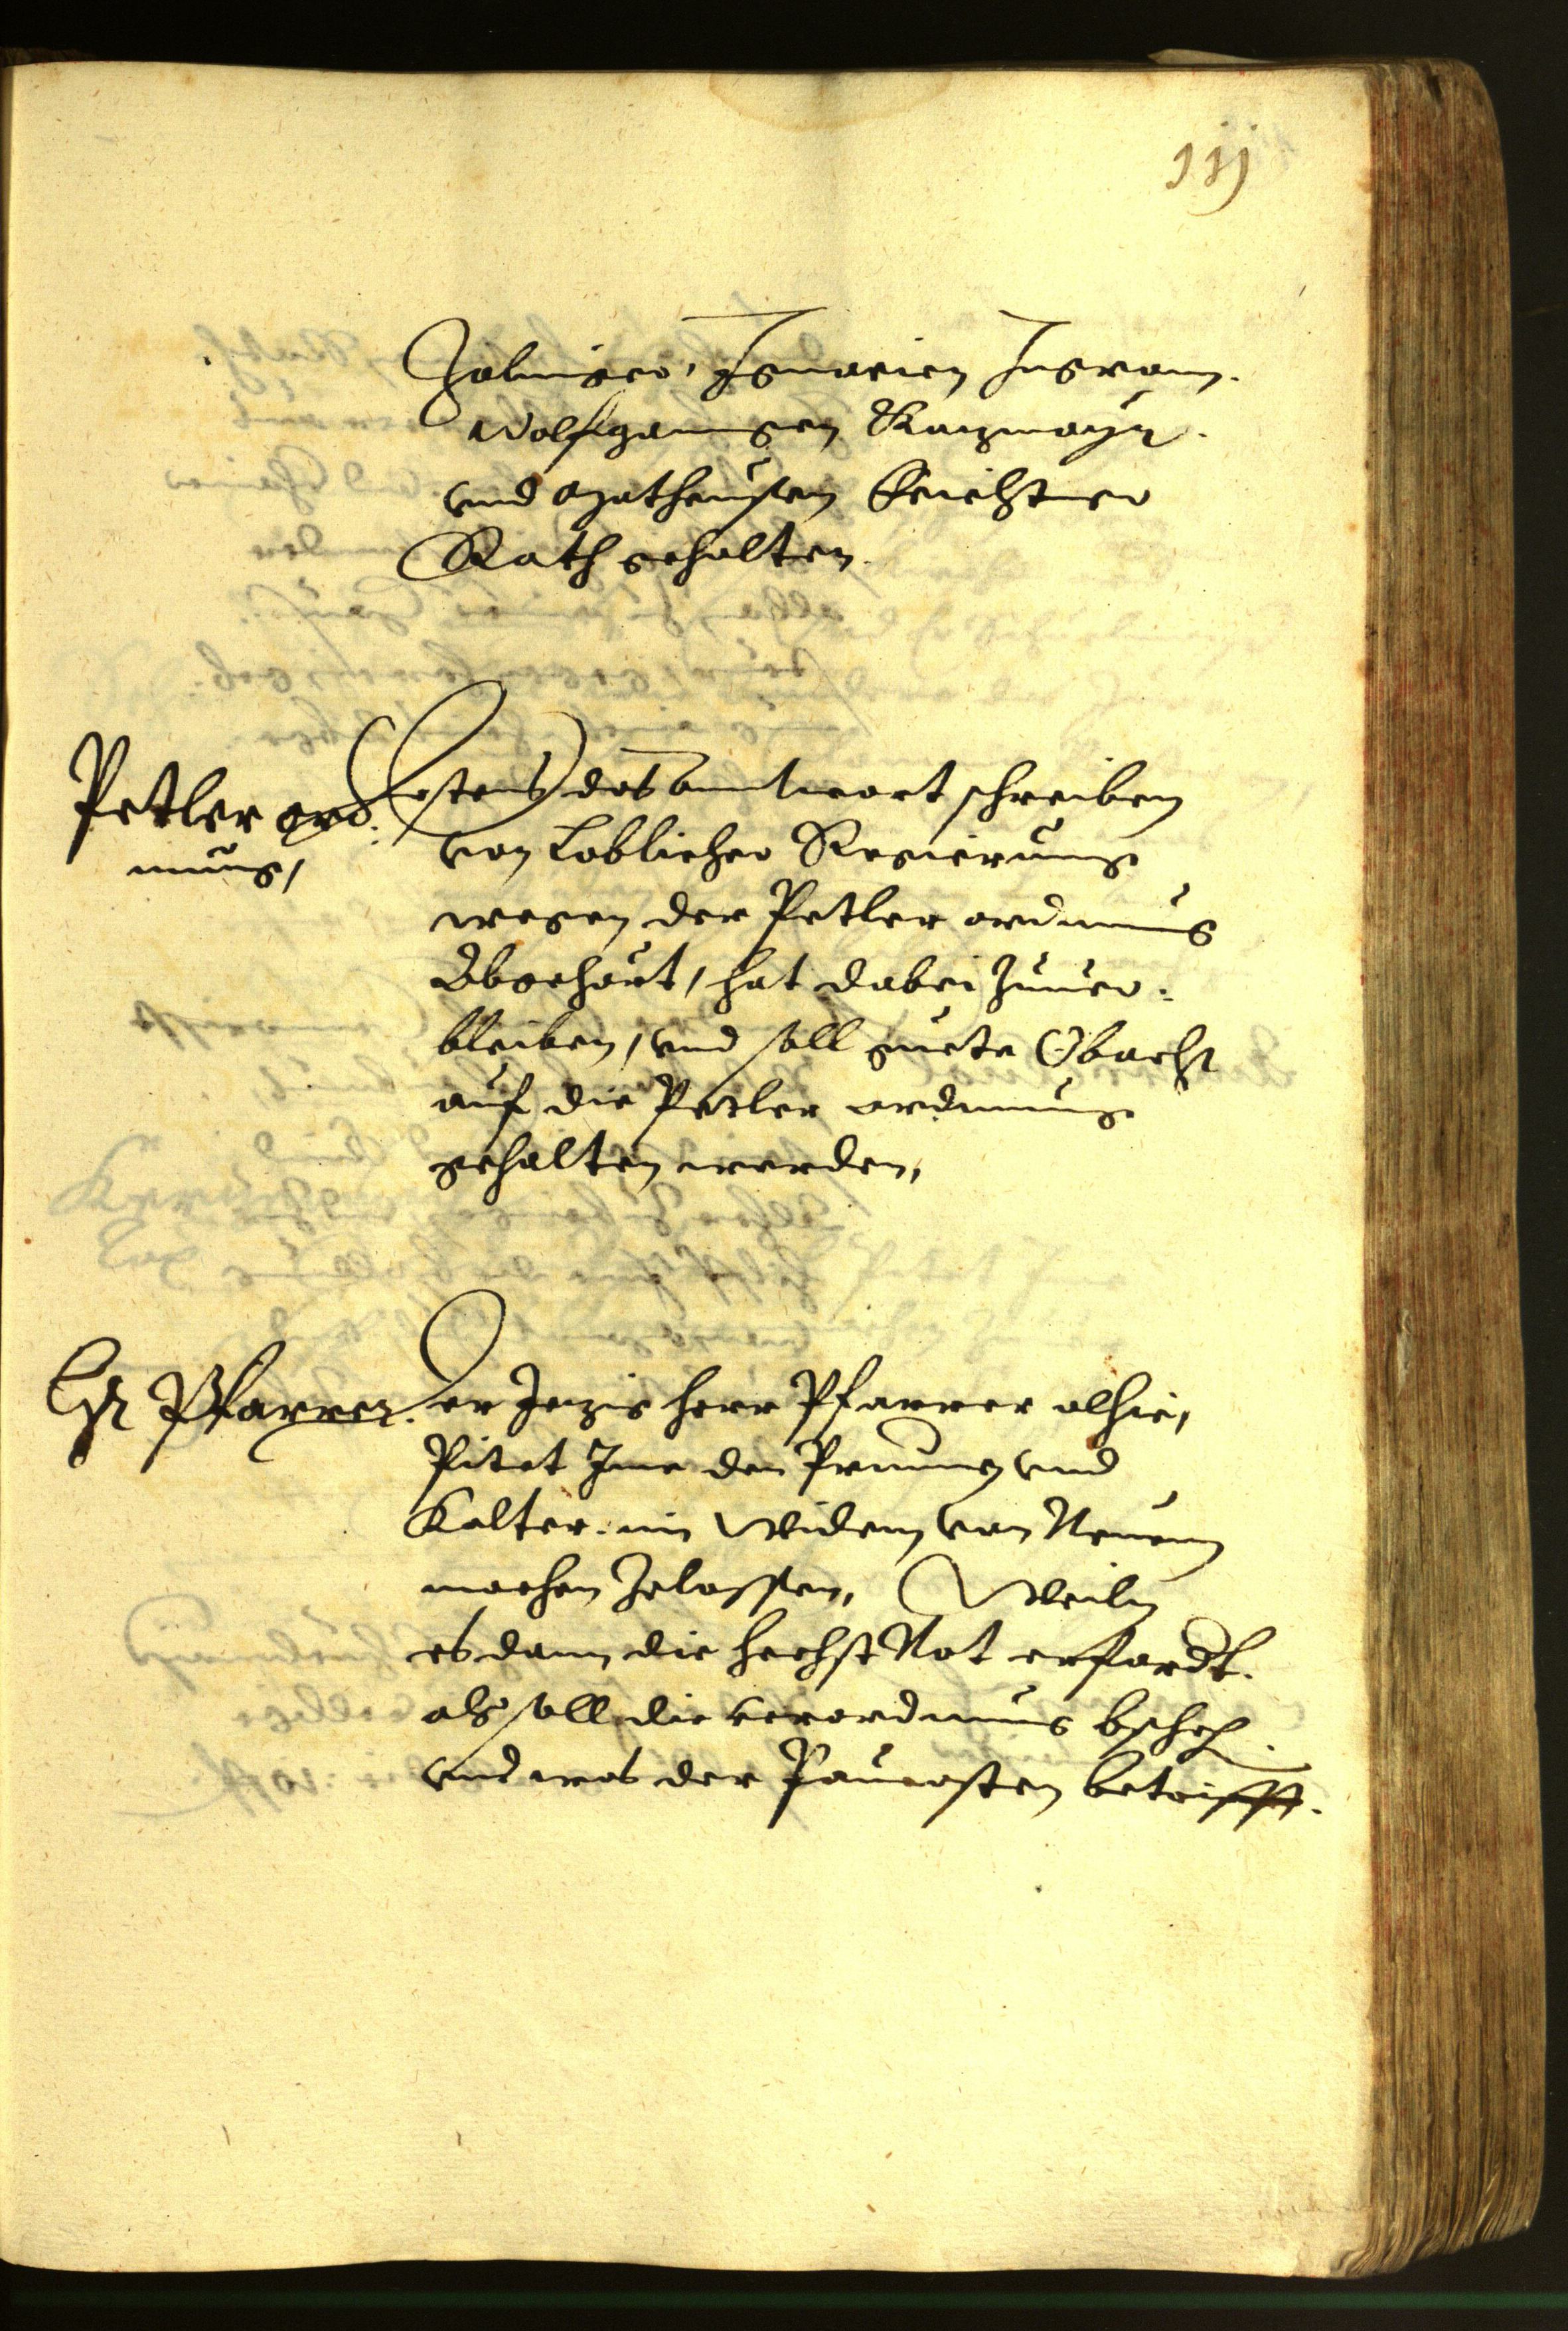111
Zalinger, Ignacien Ingram.
Wolfganngen Kazmayr.
vnd Matheūsen Feichtner
Rath gehalten.
Erstens das Anntwort schreiben
von Loblicher Regierūng
wegen der Petler ordnūng
Abgehōrt, hat dabei Zūūer¬
bleiben, vnd soll gūete Obacht
aūf die Petler ordnūng
gehalten werden,
Petler ord¬
nūng,
Der Jezig herr Pfarrer alhie,
Pitet Ime den Prūnnen vnd
Kalter. im Widem von Neūem
machen Zelassen, Weiln
es dann die hechst Not erfordt.
als soll die verordnūng bscheh.
vnd was der Paūcosten betrifft.
H Pfarrer